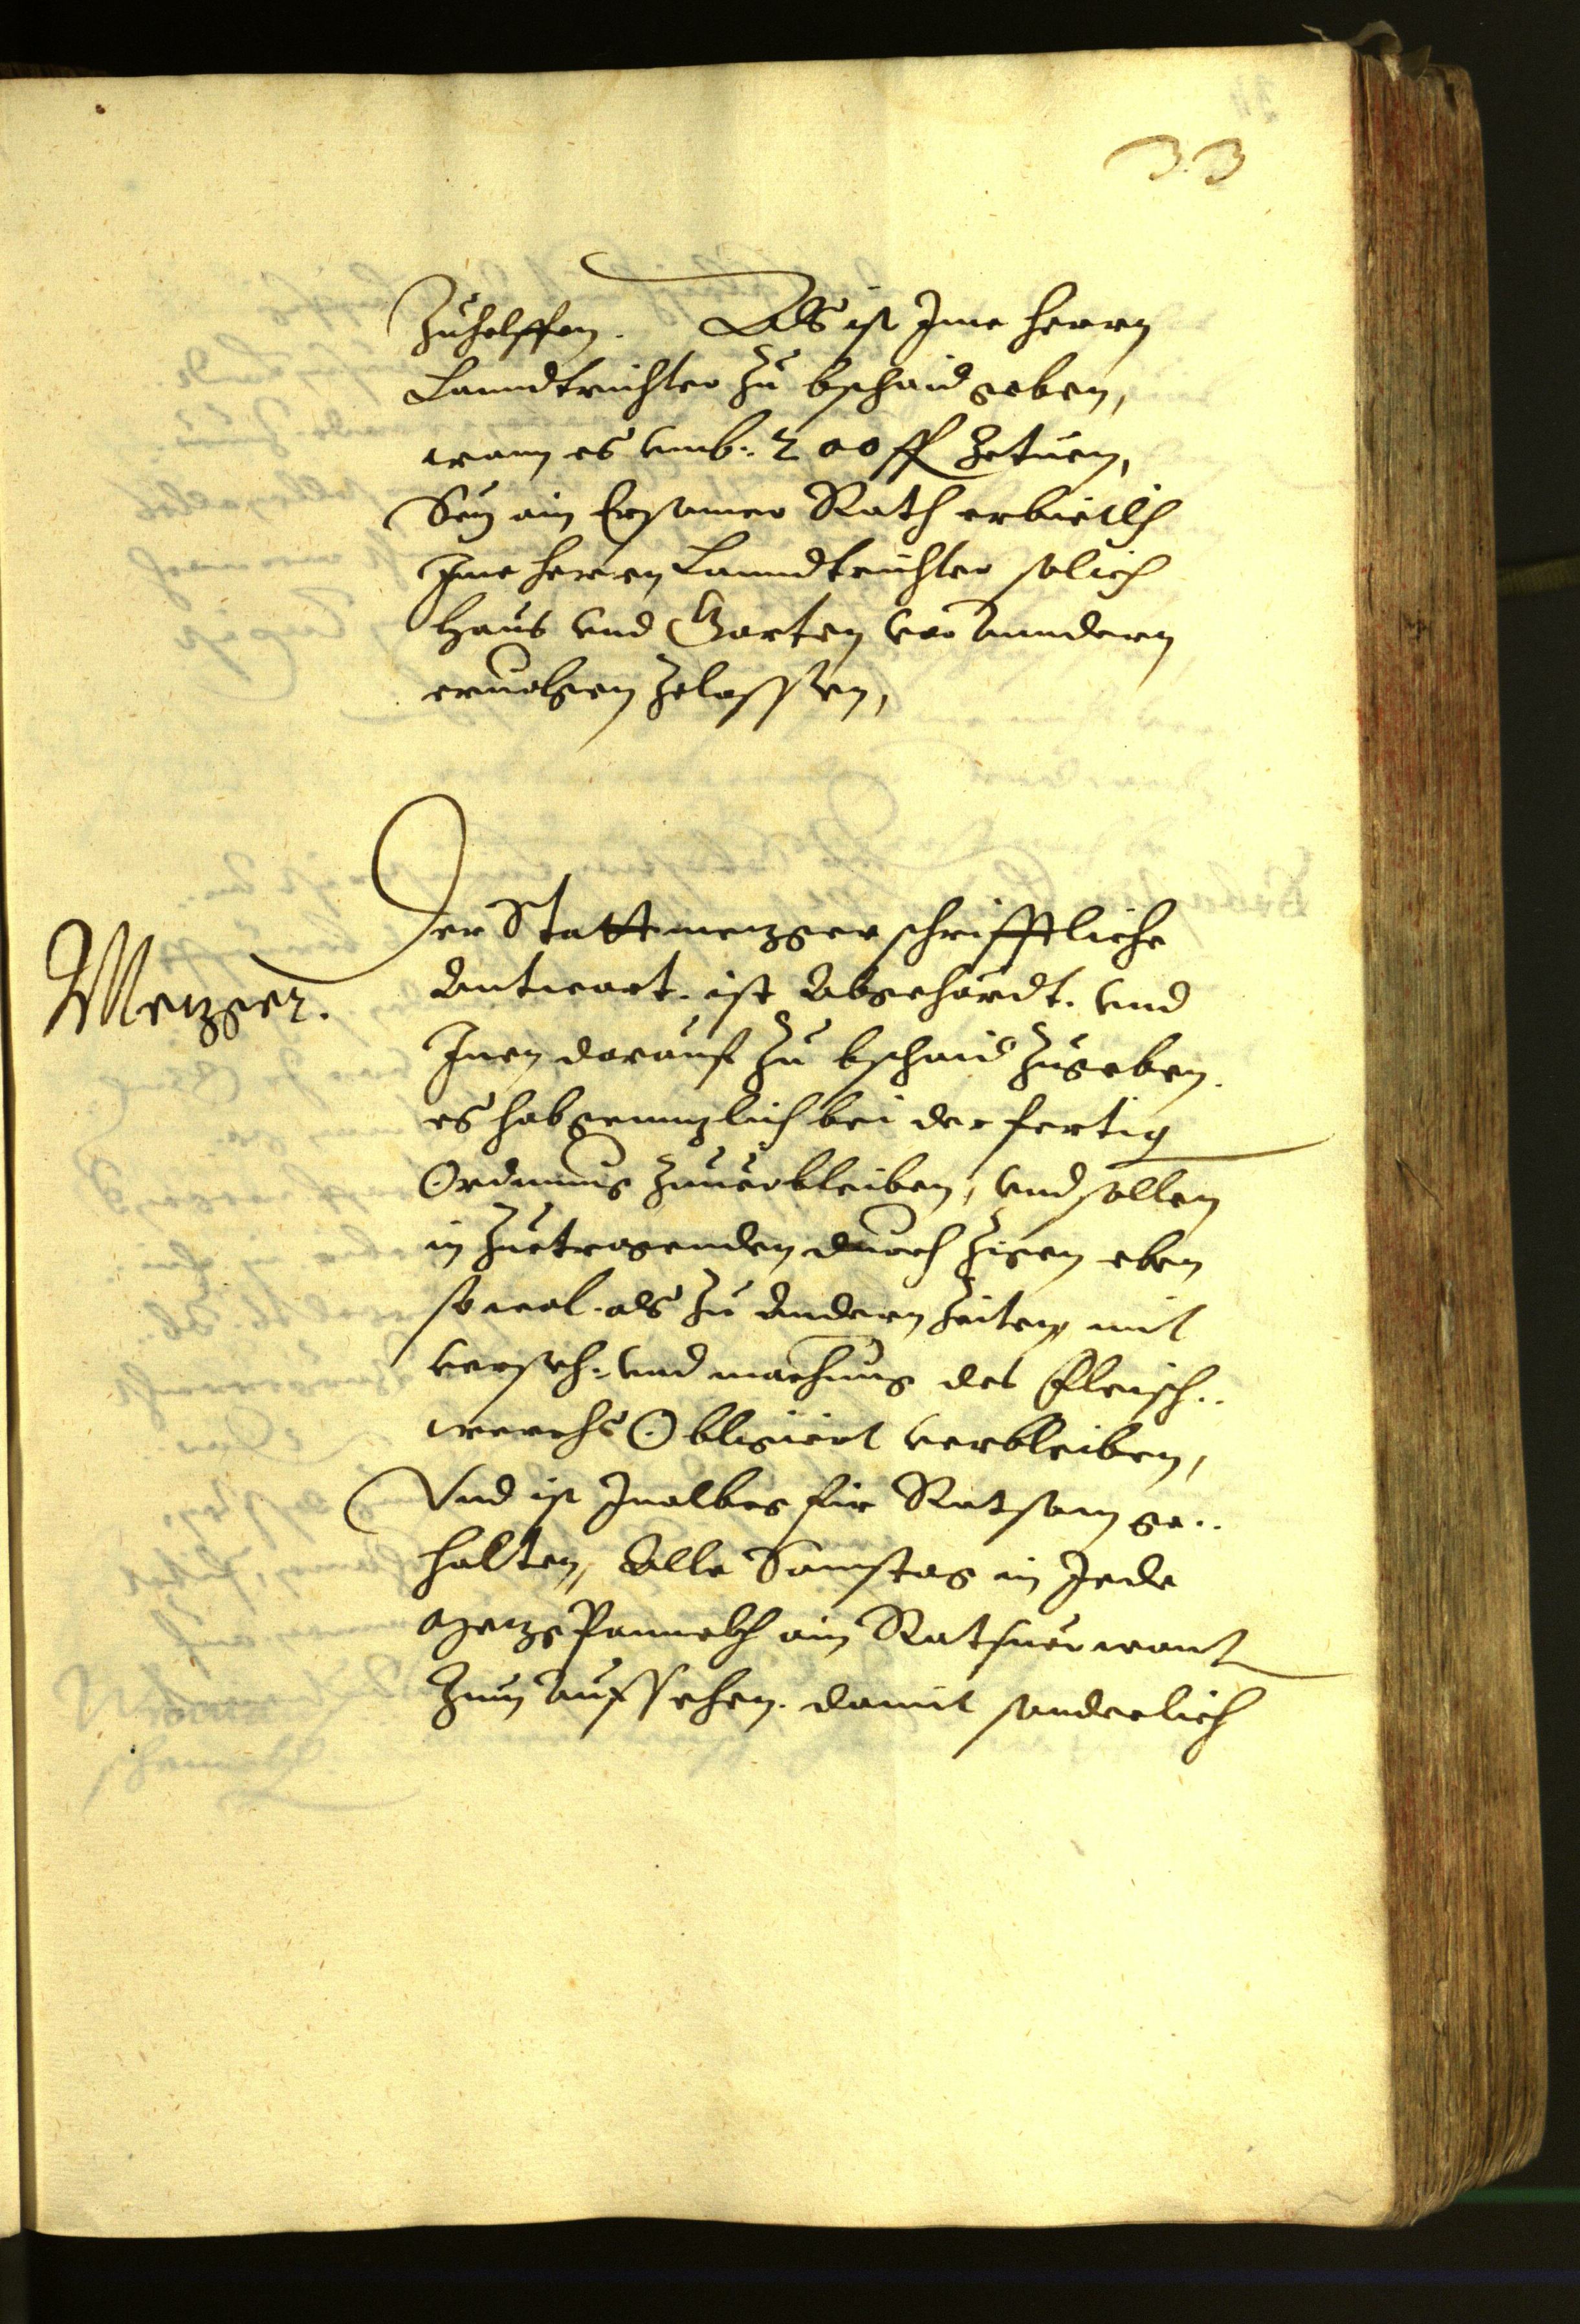33
Zūhelffen. Als ist Ime herrn
Lanndtrichter Zū bschaid geben,
wann es umb: 200 fl Zetūen,
Seȳ ain Ersamer Rath erbietlich
Ime herrn Lanndtrichter solich
Haūs vnd Garten von Anndern
erūolgen Zelassen,
Der Stattmezger schrifftliche
Antwort, ist Abgehōrdt. vnd
Inen daraūf Zū bschaid Zūgeben.
es hab gennzlich bei der fertig
Ordnūng Zūūerbleiben, vnd sollen
in Zūetragenden dūrch Zigen eben
so wol. als Zū Andern Zeiten, mit
verseh. vnd machūng des Fleisch¬
werchs Obligiert verbleiben,
Vnd ist Inalbeg fir Ratsam ge¬
halten, Alle Samstag in Jede
Mezg Pannckh ain Ratsuērwant
Zūm Aūfsehen. damit sonderlich
Mezger.